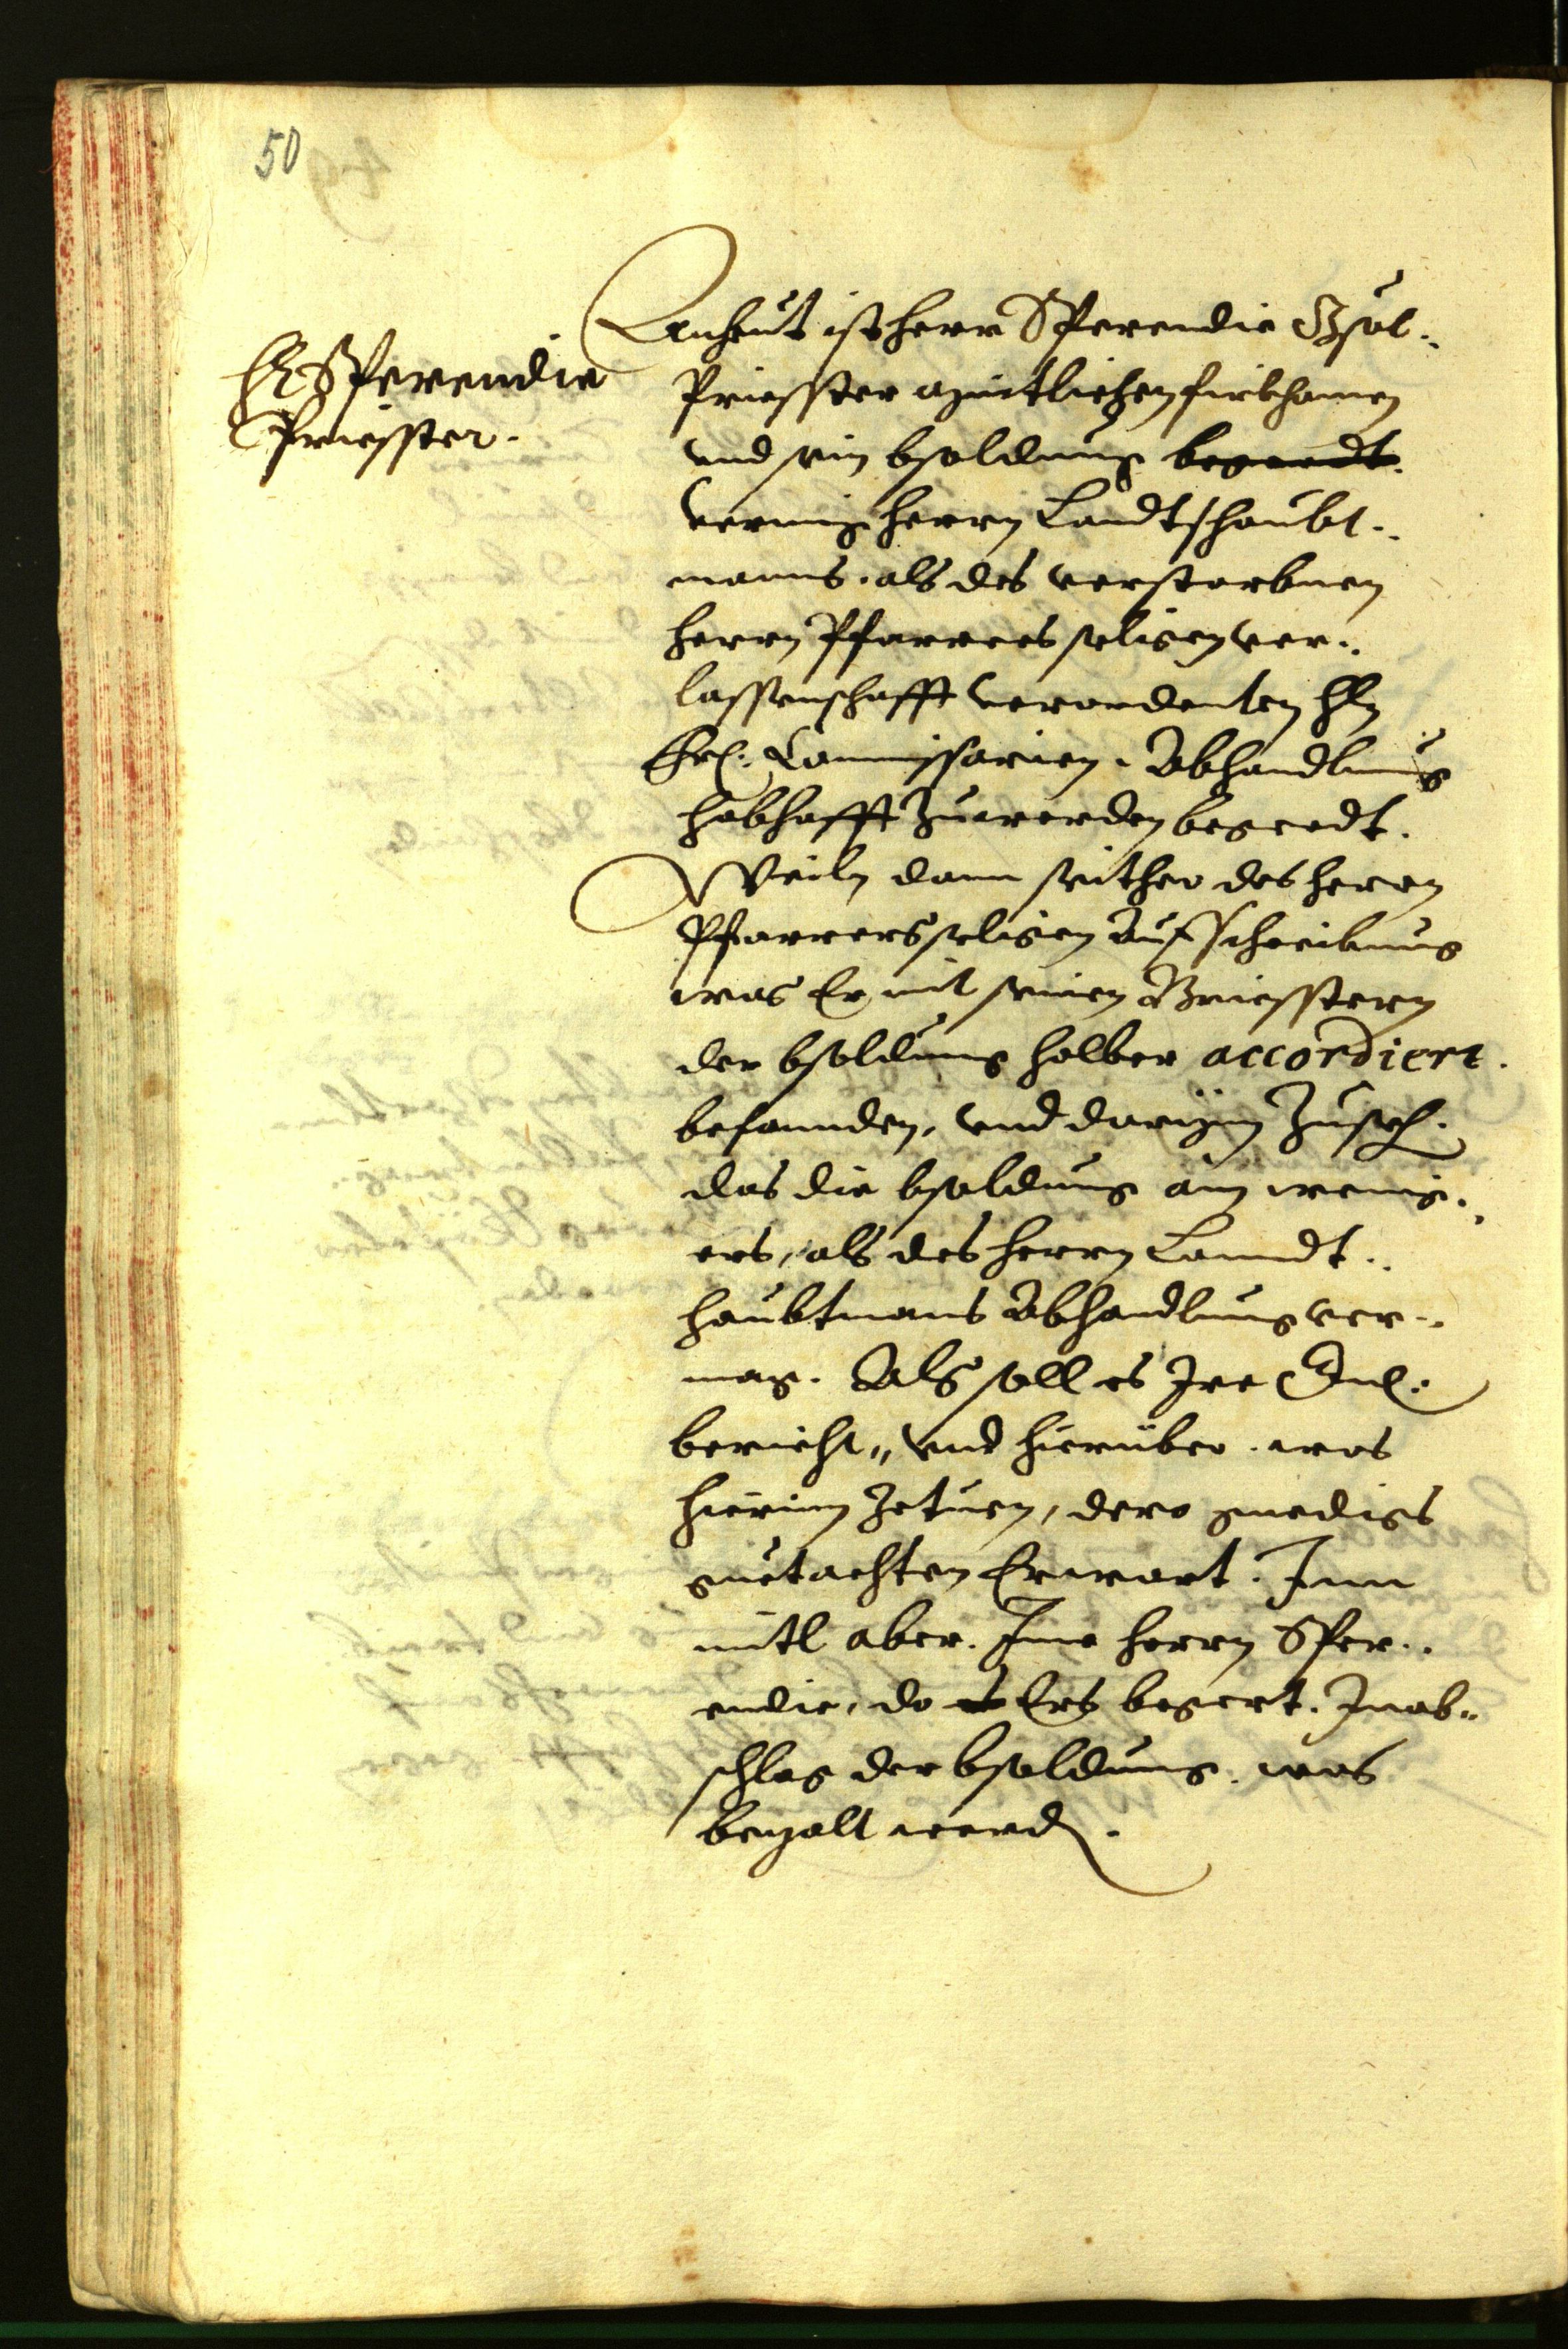50
Anheūt ist herr Sperendie Gsōl¬
Priesster mintlichen firkhomen
vnd sein bsoldūng begerdt
vermig herrn Landthaūbt¬
manns. als des verstorbnen
herrn Pfarrers seligen ver¬
lassenschafft verordenten hln
Frl: Commissarien. Abhandlūng
habhafft Zū werden begerdt.
Weiln dann seither des herrn
Pfarrers seligen Aūfschreibūng
was Er mit seinen Briesstern
der besoldūng halber accordiert.
befannden. vnd darÿnn Zūseh
das die bsoldūng ain wenig¬
ers, als des herrn Lanndt¬
haūbtmans Abhandlūng ver¬
mag. Als soll es Ire Gn:
bericht,, vnd hierüber. was
hierinn Zetūen, dero gnedigs
gūetachten Erwart. Inn
mitl aber. Ime herrn Sper¬
endie, da Ers begert. Inab¬
schlag der bsoldūng. was
bezalt werd.
H Sperendie
Priesster.